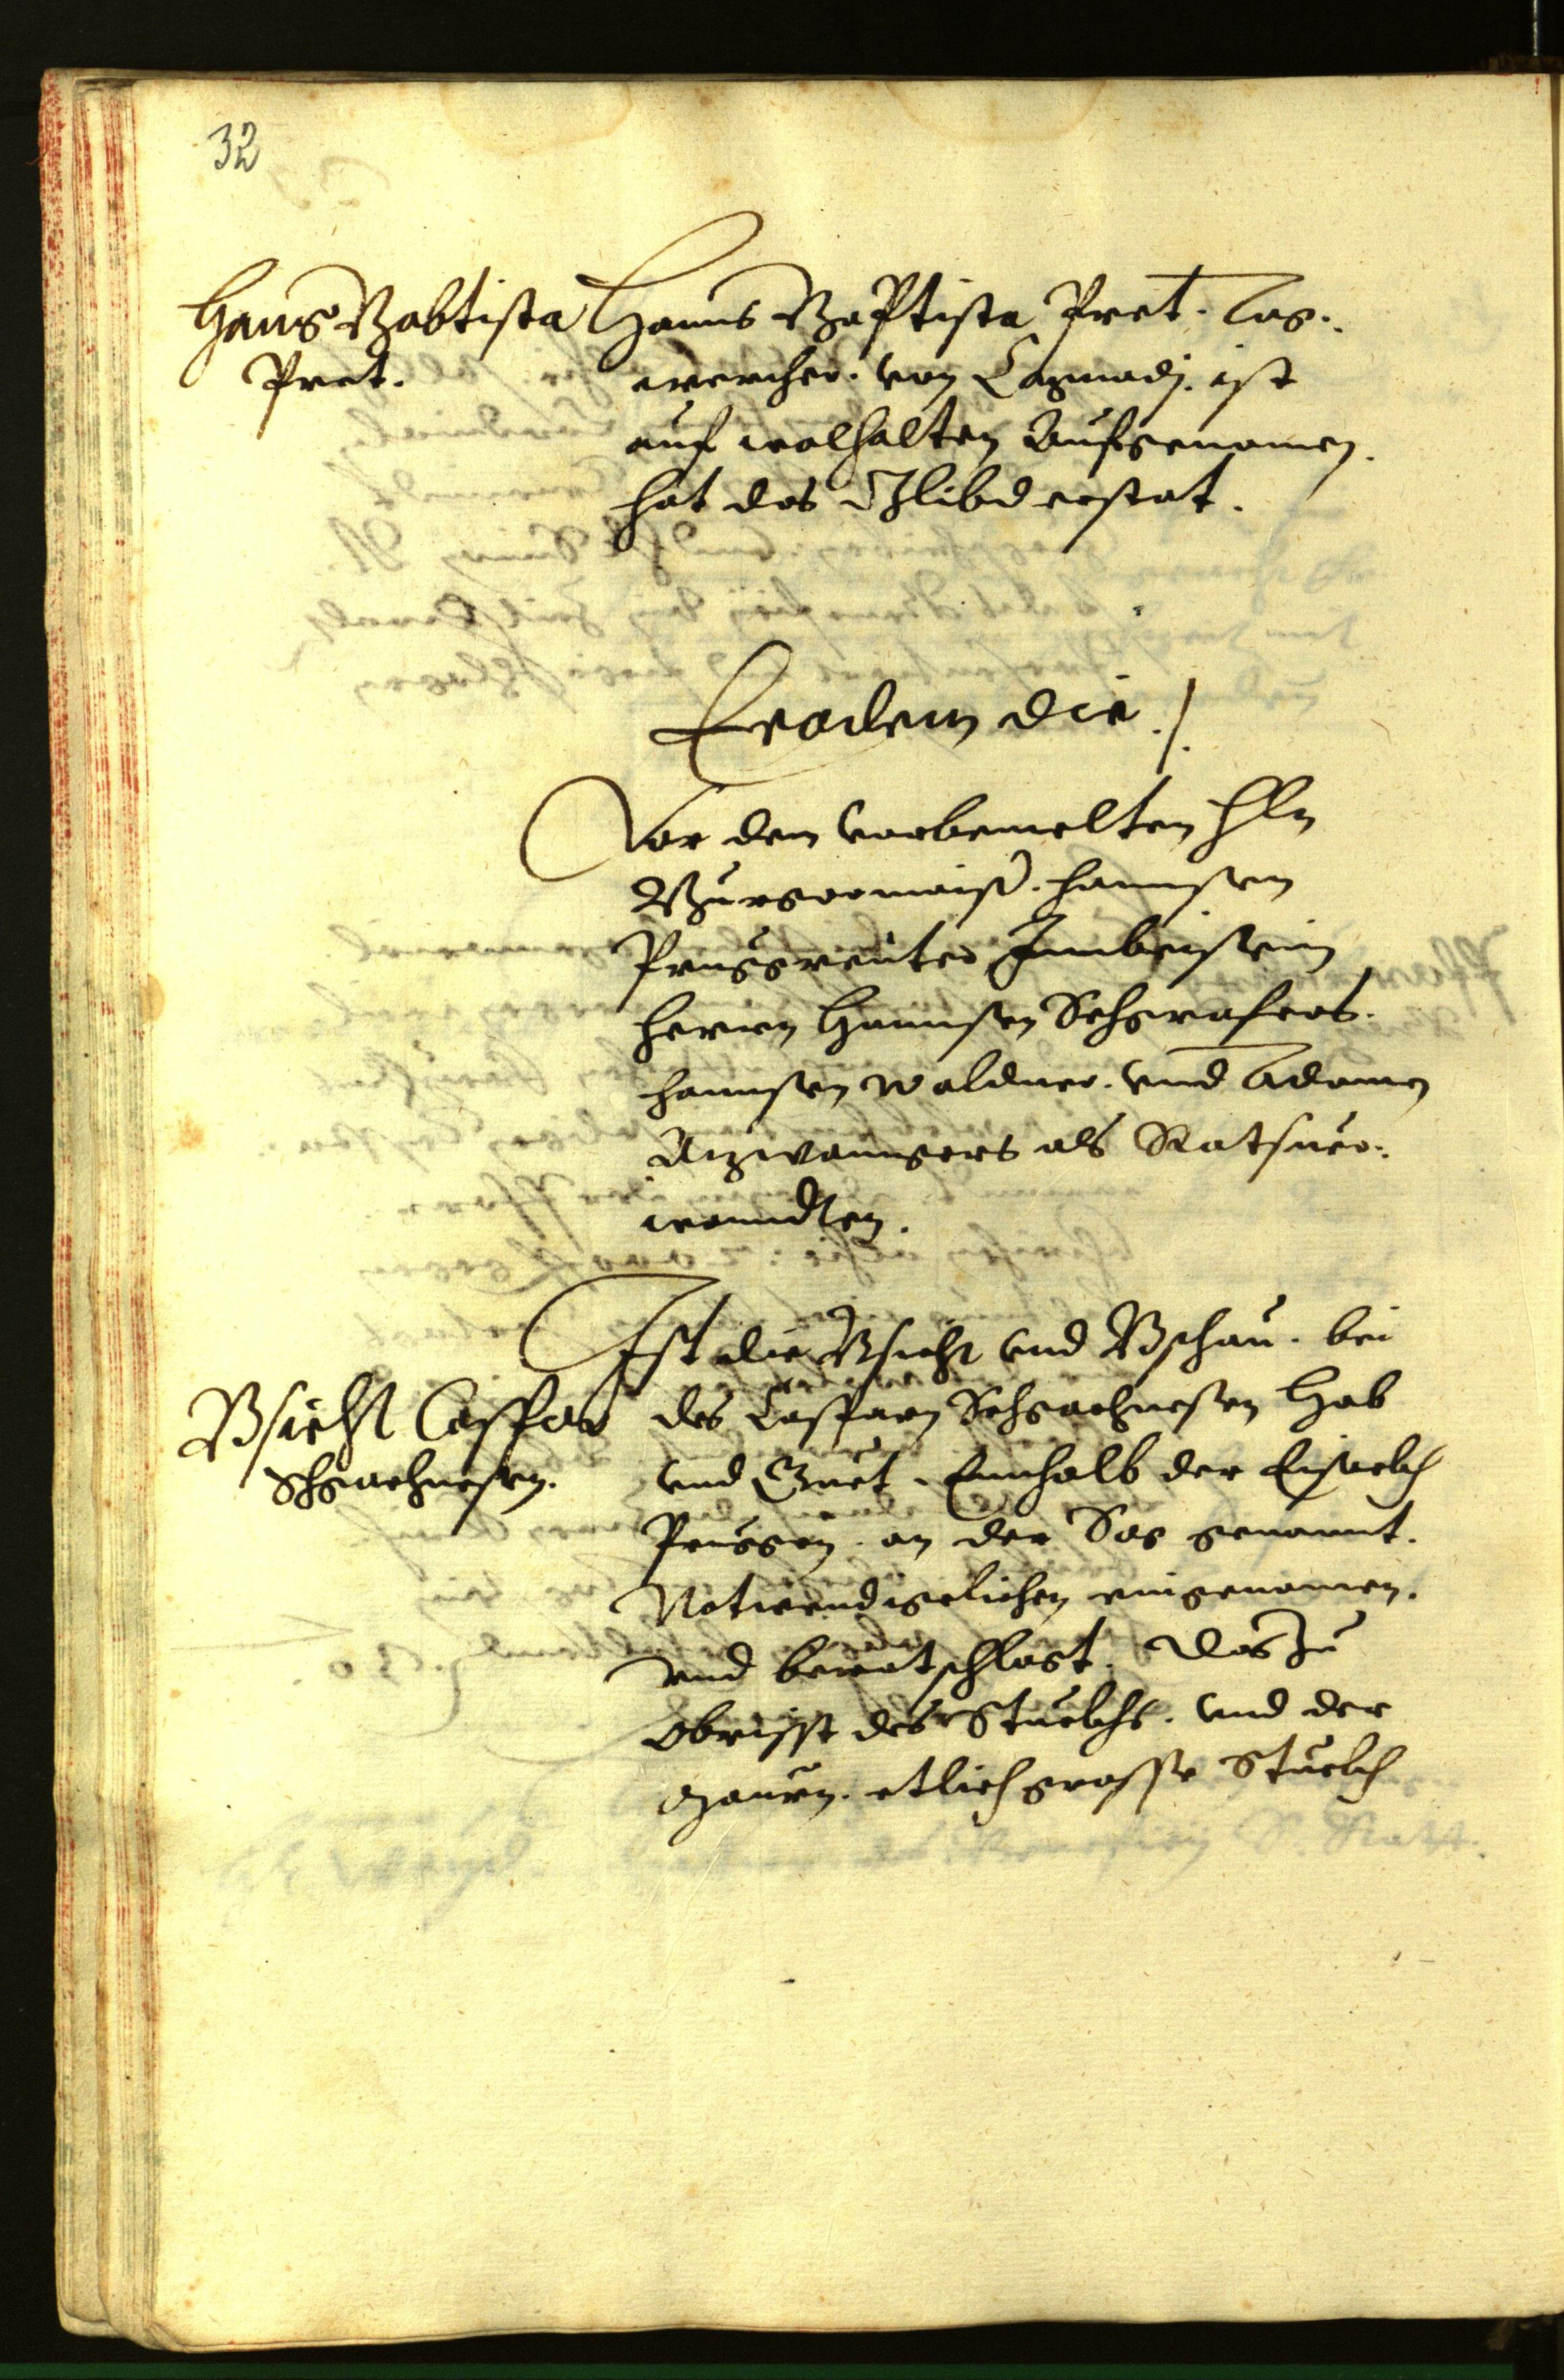32
Hans Babtista
Pret.
Hanns BaPtista Pret. Tag¬
wercher. von Cagnadj. ist
aūf wolhalten Aūfgenomen.
hat das Glibd erstat.
Eeodem die ./.
Vor dem vorbemelten hln
Būrgermaist. hannsen
Prūggreiter Innbeisein
herrn Hannsen Schgrafers.
hannsen waldner. vnd Adamen
Azwangers als Ratsver¬
wandten.
Ist die Bsicht vnd Bschaū. bei
des Casparn Schgachnesen Hab
vnd Gūet. Ennhalb der Eisackh
Prūggen an der Sag genannt.
Noticend geliehen eingenomen.
vnd beratschlagt. das Zū
Obrisst des Stūckhs. vnd der
Maūrn. eltich grosse Stūckh
Bsicht Caspar
Schgachnesen.